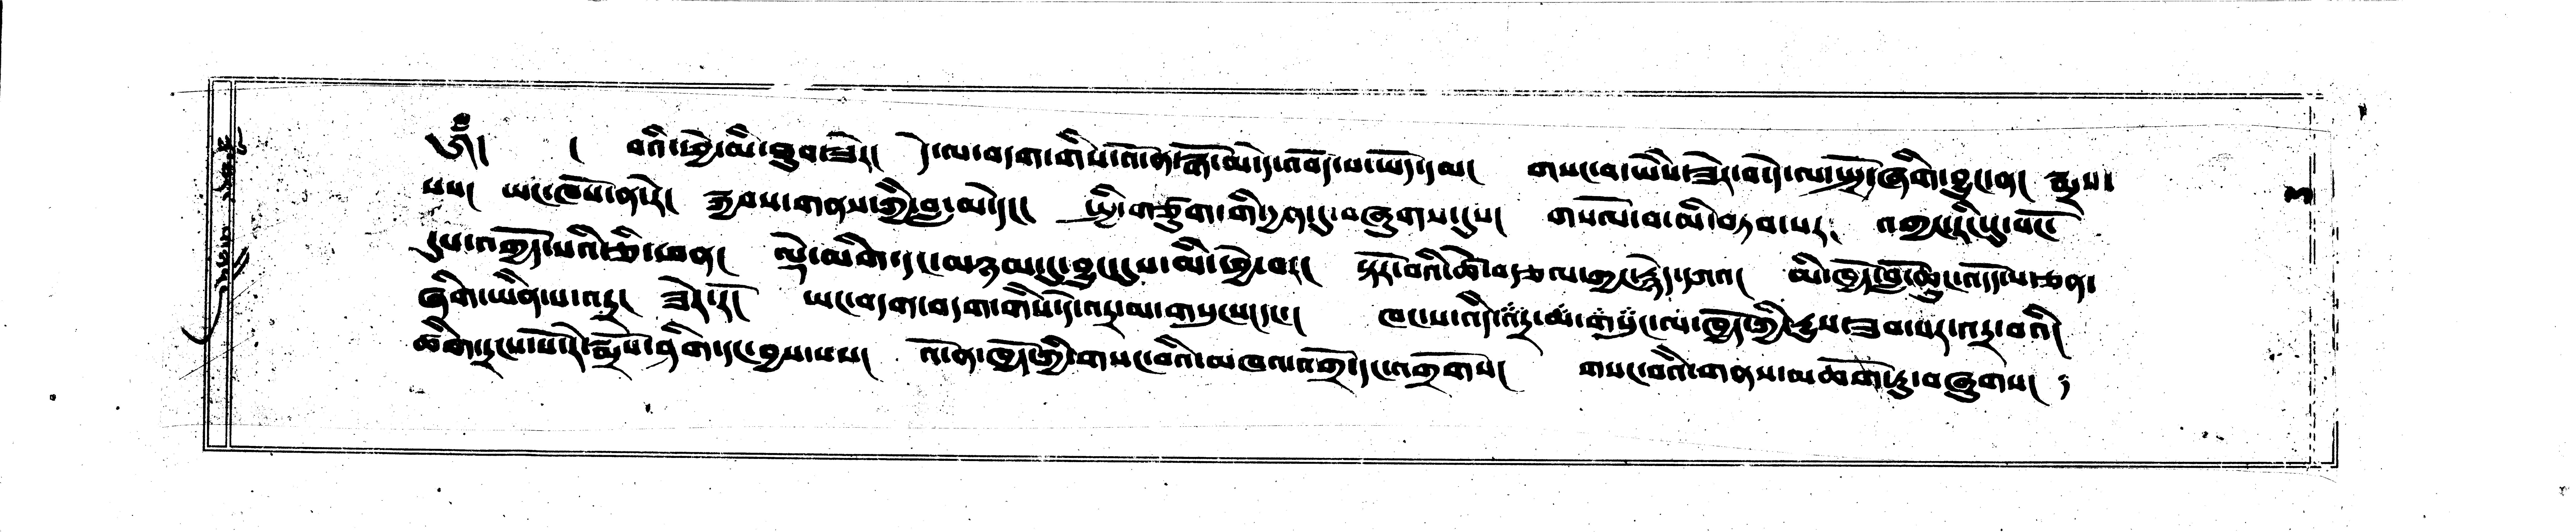བས་ཕྱེ་མི་ཐུབ་ཟེར། དེ་ལ་བདག་གིས་འོ་ན་སྒོ་མོ་དེ་འབོད་པ་ཡོད་དམ། གསང་བ་ཡེ་ཤེས་ཟེར་བ་དེ་ལ་སྤྲོ་ཞིག་ཡོད་ན། སྨྲས་
པས། ཡང་ཁོ་ན་རེ། སྐྱབས་གནས་ཀྱི་བླ་མ་དེ། སྤྱི་གཙུག་གི་རྒྱན་དུ་བཞུགས་དུས་གསོལ་བ་མི་བཏབ་པར། འགྱངས་རིང་དུ་སོང་
དུས་འགྱོད་པས་ཅི་ཕན། ལྡེ་མིག་དང་མཉམ་དུ་བྱུང་དུས་མི་ཕྱེ་བར། སྟོར་བའི་ཚེ་བཙལ་ཀྱང་རྙེད་དཀའ། མི་ཁྱོད་བློ་ཆུང་འདོད་པ་ཅན་
ཞིག་ཡིན་པ་འདྲ་ཟེར་རོ། །ཡང་བདག་གིས་དེ་འདྲ་མ་གསུངས་དང་། ཁང་པ་འདི་ལ་ཁྱོད་ཀྱིས་རྒྱུས་ཟབ་པར་འདྲ་བའི།
 ཚིག་དྲང་པོ་རེ་སྨྲོས་ཤིག་དང་བྱས་པས། འོ་ན་ཁྱོད་ཀྱིས་གསང་བའི་མཁའ་འགྲོ་དང་འགྲོགས། གསང་བའི་གནས་མཆོག་ཏུ་བཞུགས་